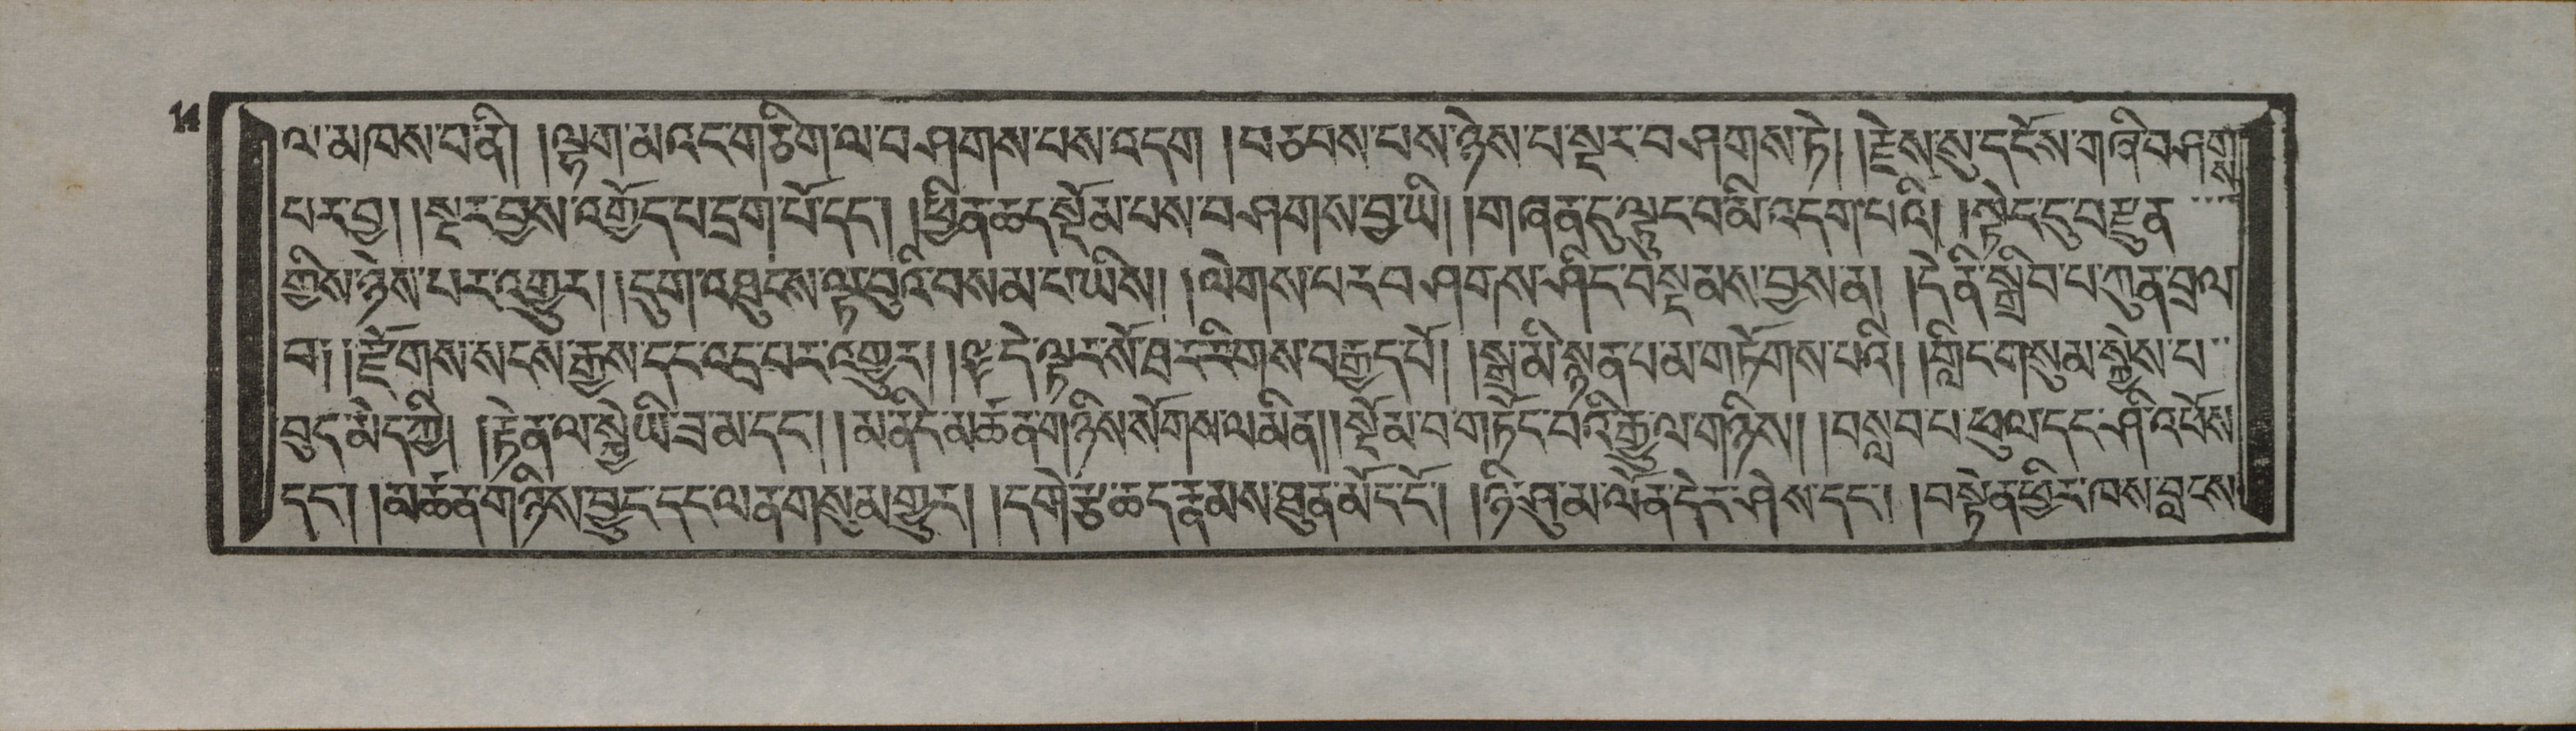ལ་མཁས་པ་ནི། །ལྷག་མའང་གཅིག་ལ་བཤགས་པས་འདག །བཅབས་པས་ཉེས་པ་སྔར་བཤགས་ཏེ། །རྗེས་སུ་དངོས་གཞི་བཤགས་
པར་བྱ། །སྔར་བྱས་འགྱོད་པ་དྲག་པོ་དང་། །ཕྱིན་ཆད་སྡོམ་པས་བཤགས་བྱ་ཡི། །གཞན་དུ་ལྟུང་བ་མི་འདག་པའི། །སྟེང་དུ་བརྫུན་
གྱིས་ཉེས་པར་འགྱུར། །དུག་འཐུངས་ལྟ་བུའི་བསམ་པ་ཡིས། །ལེགས་པར་བཤགས་ཤིང་བསྡམས་བྱས་ན། །དེ་ནི་སྒྲིབ་པ་ཀུན་བྲལ་
བ། །རྫོགས་སངས་རྒྱས་དང་འདྲ་པར་འགྱུར། །༈ དེ་ལྟར་སོ་ཐར་རིགས་བརྒྱད་པོ། །སྒྲ་མི་སྙན་པ་མ་གཏོགས་པའི། །གླིང་གསུམ་སྐྱེས་པ་
བུད་མེད་ཀྱི། །རྟེན་ལ་སྐྱེ་ཡི་ཟ་མ་དང་། །མ་ནིང་མཚན་གཉིས་སོགས་ལ་མིན། །སྡོམ་པ་གཏོང་པའི་རྒྱུ་ལ་གཉིས། །བསླབ་པ་ཕུལ་དང་ཤི་འཕོས་
དང་། །མཚན་གཉིས་བྱུང་དང་ལན་གསུམ་གྱུར། །དགེ་རྩ་ཆད་རྣམས་ཐུན་མོང་ངོ། །ཉི་ཤུ་མ་ལོན་དེར་ཤེས་དང་། །བསྟེན་ཕྱིར་ཁས་བླངས་